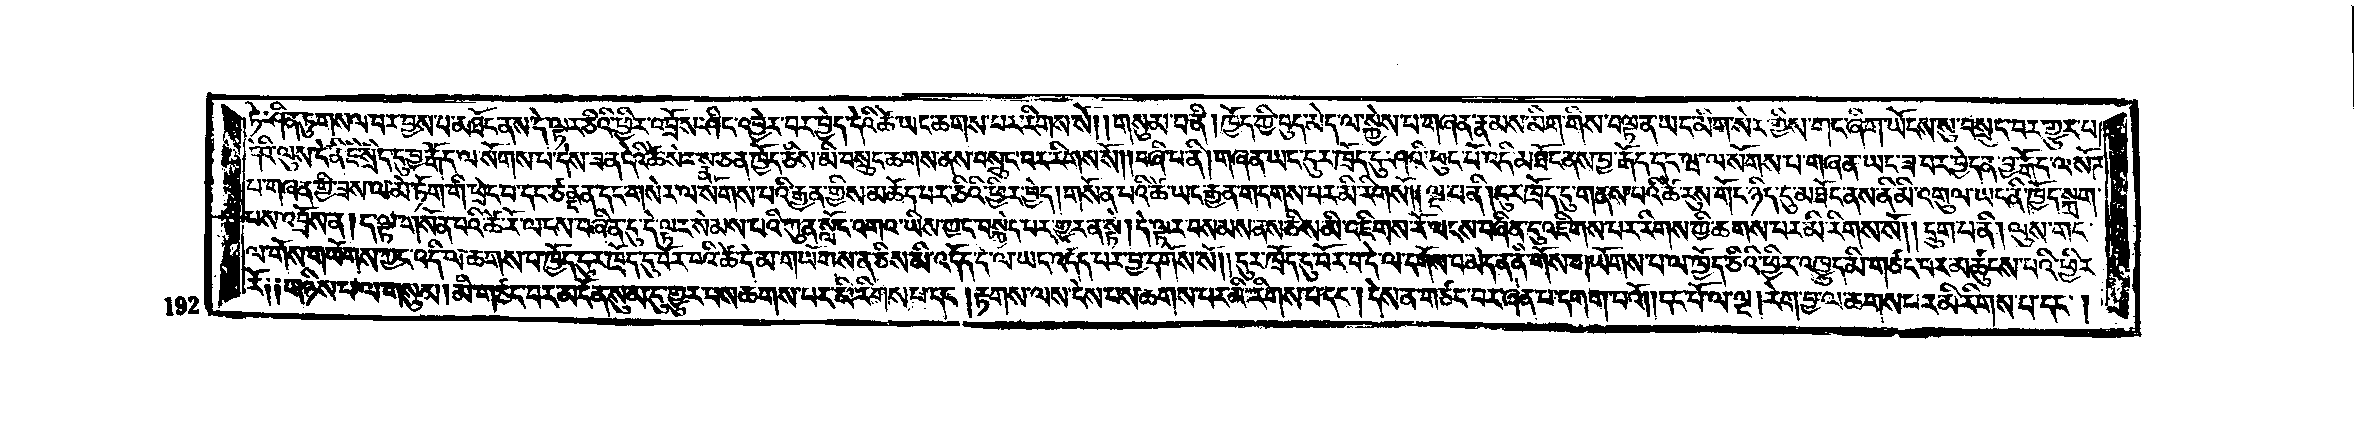ཏེ་ཤིན་ཏུ་གསལ་བར་བྱས་པ་མཐོང་ནས་དེ་ལྟར་ཅིའི་ཕྱིར་འབྲོས་ཤིང་འབྱེར་པར་བྱེད་དེའི་ཚེ་ཡང་ཆགས་པར་རིགས་སོ། གསུམ་པ་ནི། །ཁྱོད་ཀྱི་བུད་མེད་ལ་སྐྱེས་པ་གཞན་རྣམས་མིག་གིས་བལྟ་ན་ཡང་མིག་སེར་གྱིས་གང་ཞིག་ཡོངས་སུ་འྶྲུང་བར་གྱུར་པ་
དེའི་ལུས་དེ་ནི་ཇི་སྲིད་དུ་བྱ་རྒོད་ལ་སོགས་པ་དེས་ཟ་ན་དེའི་ཚེ་སེར་སྣ་ཅན་ཁྱོད་ཅིས་མི་བསྲུང་ཆགས་ནས་བསྲུང་བར་རིགས་སོ། །བཞི་པ་ནི། གཞན་ཡང་དུར་ཁྲོད་དུ་ཤའི་ཕུང་པོ་འདི་མཐོང་ནས་བྱ་རྒོད་དང་ཝ་ལ་སོགས་པ་གཞན་ཡང་ཟ་བར་བྱེད་ན་བྱ་རྒོད་ལ་སོགས་
པ་གཞན་གྱིས་ཟས་ལ་མེ་ཏོག་གི་ཕྲེང་བ་དང་ཙནདན་དང་གསེར་ལ་སོགས་པའི་རྒྱན་གྱིས་མཆོད་པར་ཅིའི་ཕྱིར་བྱེད། གསོན་པའི་ཚེ་ཡང་རྒྱན་གདགས་པར་མི་རིགས་སོ། །ལྔ་པ་ནི། དུར་ཁྲོད་དུ་གནས་པའི་ཚེ་རུས་གོང་ཉིད་དུ་མཐོང་ནས་ནི་མི་འགུལ་ཡང་ནི་ཁྱོད་སྐྲག་
པས་འབྲོས་ན། ད་ལྟ་གསོན་པའི་ཚེ་རོ་ལངས་བཞིན་དུ་དེ་ལྟར་སེམས་པའི་ཀུན་སློང་འགའ་ཡིས་ཀྱང་བསྐྱེད་པར་གྱུར་ན་སྟེ། དེ་ལྟར་བསམས་ནས་ཅིས་མི་འཇིགས་རོ་ལངས་བཞིན་དུ་འཇིགས་པར་རིགས་ཀྱི་ཆགས་པར་མི་རིགས་སོ། །དྲུག་པ་ནི། ལུས་གང་
ལ་གོས་གཡོགས་ཀྱང་འདི་ལ་ཆགས་པ་ཁྱོད་དུར་ཁྲོད་དུ་བོར་བའི་ཚེ་དེ་མ་གཡོགས་ན་ཅིས་མི་འདོད་དེ་ལ་ཡང་འདོད་པར་བྱ་དགོས་སོ། །དུར་ཁྲོད་དུ་བོར་བ་དེ་ལ་དགོས་པ་མེད་ན་ནི་གོས་གཡོགས་པ་ལ་ཁྱོད་ཅིའི་ཕྱིར་འཁྱུད་མི་གཙང་བར་མཚུངས་པའི་ཕྱིར་
རོ༑ ༑གཉིས་པ་ལ་གསུམ། མི་གཙང་བར་མངོན་སུམ་དུ་གྱུར་པས་ཆགས་པར་མི་རིགས་པ་དང་། རྟགས་ལས་ངེས་པས་ཆགས་པར་མི་རིགས་པ་དང་། དེས་ན་གཙང་བར་ཞེན་པ་དགག་པའོ། །དང་པོ་ལ་ལྔ། རེག་བྱ་ལ་ཆགས་པར་མི་རིགས་པ་དང་།